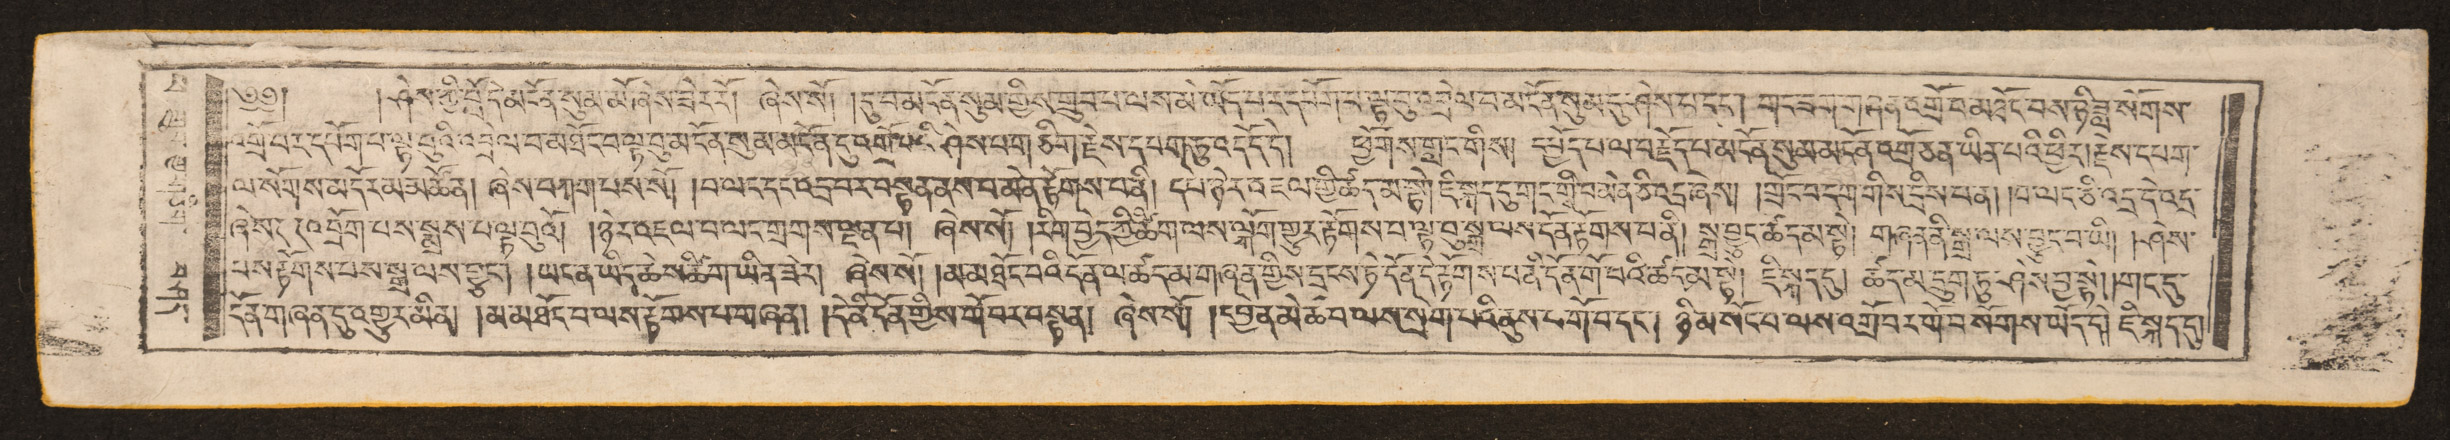༄༅། །ཤེས་ཀྱི་བློ་དེ་མངོན་སུམ་མོ་ཞེས་ཟེར་རོ། ཞེས་སོ། །དུ་བ་མངོན་སུམ་གྱིས་གྲུབ་པ་ལས་མེ་ཡོད་པར་དཔོག་པ་ལྟ་བུ་འབྲེལ་བ་མངོན་སུམ་དུ་ཤེས་པ་དང་། གང་ཟག་གཞན་འགྲོ་བ་མ་ཟོད་པས་ཉི་ཟླ་སོགས་
འགྲོ་བར་དཔོག་པ་ལྟ་བུའི་འབྲེལ་བ་མཐོང་བ་ལྟ་བུ་མངོན་སུམ་མངོན་དུ་འགྲོ་བའི་ཤེས་པ་གཅིག་རྗེས་དཔག་ཏུ་འདོད་དེ། ཕྱོགས་གླང་གིས། དཔྱོད་པ་ལ་བརྗོད་པ་མངོན་སུམ་མངོན་འགྲོ་ཅན་ཡིན་པའི་ཕྱིར། རྗེས་དཔག་
ལ་སོགས་མདོར་མ་མཚོན། ཞེས་བཀག་པས་སོ། །བ་ལང་དང་འདྲ་བར་བསྟན་ནས་བ་མེན་རྟོགས་པ་ནི། དཔེ་ཉེར་འཇལ་གྱི་ཚད་མ་སྟེ། ཇི་སྐད་དུ་གང་གིས་བ་མེན་ཅི་འདྲ་ཞེས། །གྲོང་བ་ངག་གིས་དྲིས་པ་ན། །བ་ལང་ཅི་འདྲ་དེ་འདྲ་
ཞེས། །འབྲོག་པས་སྨྲས་པ་ལྟ་བུའོ། །ཉེར་འཇལ་བ་ལང་གྲགས་ལྡན་པ། ཞེས་སོ། །རིག་བྱེད་ཀྱི་ཚིག་ལས་ལྐོག་གྱུར་རྟོགས་པ་ལྟ་བུ་སྒྲ་ལས་དོན་རྟོགས་པ་ནི། སྒྲ་བྱུང་ཚད་མ་སྟེ། གཞན་ནི་སྒྲ་ལས་བྱུང་བ་ཡི། །ཤེས་
པས་རྟོགས་པས་སྒྲ་ལས་བྱུང་། །ཡང་ན་ཡིད་ཆེས་ཚིག་ཡིན་ཟེར། ཞེས་སོ། །མ་མཐོང་བའི་དོན་ལ་ཚད་མ་གཞན་གྱིས་དྲངས་ཏེ་དོན་དེ་རྟོགས་པ་ནི་དོན་གོ་བའི་ཚད་མ་སྟེ། ཇི་སྐད་དུ། ཚད་མ་དྲུག་ཏུ་ཤེས་བྱ་སྟེ། །གང་དུ་
དོན་གཞན་དུ་འགྱུར་མིན། །མ་མཐོང་བ་ལས་རྟོགས་པ་གཞན། །དེ་ནི་དོན་གྱིས་གོ་བར་བསྟན། ཞེས་སོ། །དབྱེན་མེ་ཚབ་ལས་སྲེག་པའི་ནུས་པ་གོ་བ་དང་། ཉི་མ་སོང་བ་ལས་འགྲོ་བར་གོ་བ་སོགས་ཡོད་དེ། ཇི་སྐད་དུ།